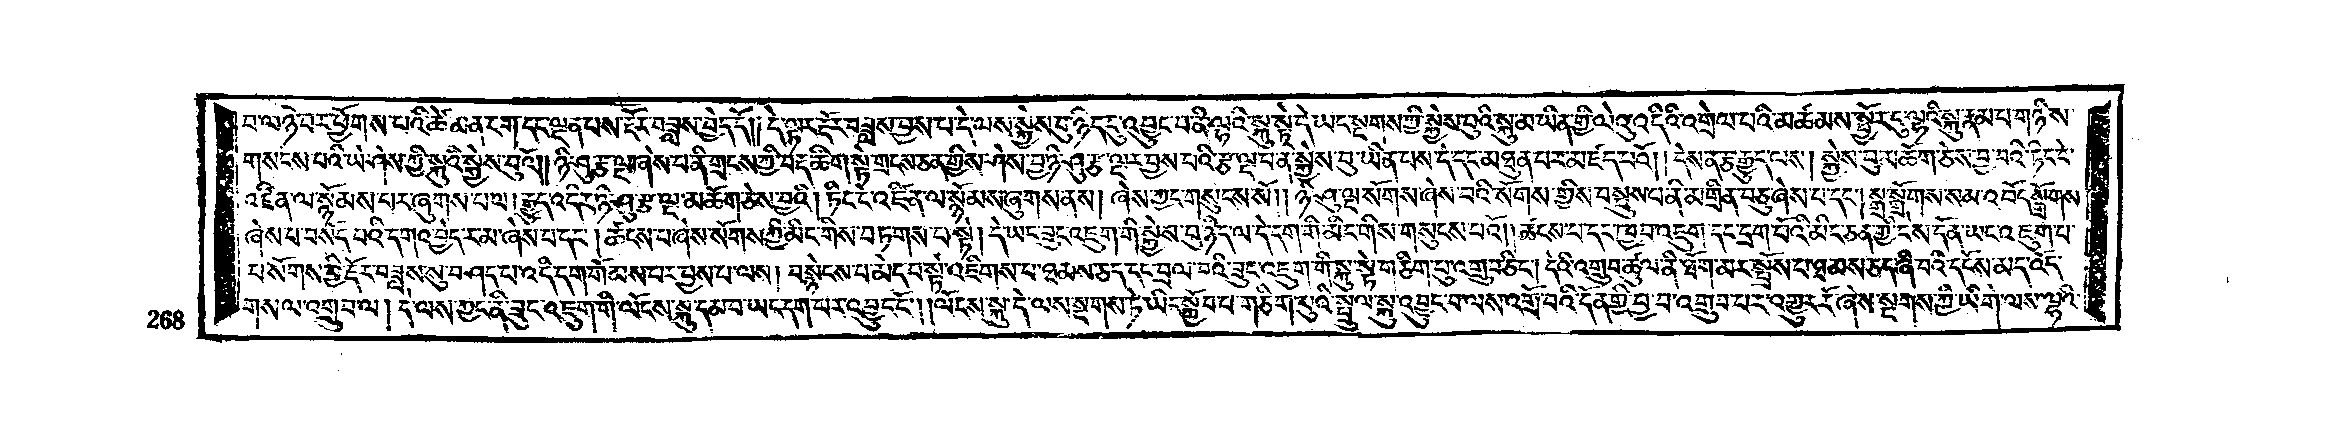བ་ལ་ཉེ་བར་ཕྱོགས་པའི་ཚེ་མན་ངག་དང་ལྡན་པས་རྡོར་བཟླས་བྱེད་དོ། །དེ་ལྟར་རྡོར་བཟླས་བྱས་པ་དེ་ལས་སྐྱེས་བུ་ཉིད་དུ་འབྱུང་བ་ནི་ལྷའི་སྐུ་སྟེ་དེ་ཡང་སྔགས་ཀྱི་སྐྱེས་བུའི་སྐུ་མ་ཡིན་གྱི་ལེའུ་འདིའི་འགྲེལ་པའི་མཚམས་སྦྱོར་དུ་ལྷའི་སྐུ་རྣམ་པ་གཉིས་
གསུངས་པའི་ཡེ་ཤེས་ཀྱི་སྐུའི་སྐྱེས་བུའོ། །ཉི་ཤུ་རྩ་ལྔ་ཞེས་པ་ནི་གྲངས་ཀྱི་བརྡ་ཚིག་སྟེ་གྲངས་ཅན་གྱིས་ཤེས་བྱ་ཉི་ཤུ་རྩ་ལྔར་བྱས་པའི་རྩ་ལྔ་པ་ནི་སྐྱེས་བུ་ཡིན་པས་དེ་དང་མཐུན་པར་མཛད་པའོ། །དེས་ན་རྩ་རྒྱུད་ལས། སྐྱེས་བུ་མཆོག་ཅེས་བྱ་བའི་ཏིང་ངེ་
འཛིན་ལ་སྙོམས་པར་ཞུགས་པ་ལ། རྒྱུད་འདིར་ཉི་ཤུ་རྩ་ལྔ་མཆོག་ཅེས་བྱའི། ཏིང་ངེ་འཛིན་ལ་སྙོམས་ཞུགས་ནས། ཞེས་ཀྱང་གསུངས་སོ། །ཉི་ཤུ་ལྔ་སོགས་ཞེས་པའི་སོགས་ཀྱིས་བསྡུས་པ་ནི་མགྲིན་བཅུ་ཞེས་པ་དང་། སྒྲ་སྒྲོགས་སམ་འབོད་སྒྲོགས་
ཞེས་པ་བསོད་པའི་དགའ་བྱེད་རམ་ཞེས་པ་དང་། ཚངས་པ་ཞེས་སོགས་ཀྱི་མིང་གིས་བཏགས་པ་སྟེ། དེ་ཡང་ཟུང་འཇུག་གི་སྐྱེས་བུ་ཉིད་ལ་དེ་དག་གི་མིང་གིས་གསུངས་པའོ། །ཚངས་པ་དང་ཁྱབ་འཇུག་དང་དྲག་པོའི་མིང་ཅན་གྱི་ངེས་དོན་ཡང་འཇུག་པ་
པ་སོགས་ཀྱི་རྡོར་བཟླས་ཀྱི་བཤད་པ་འདི་དག་གོམས་པར་བྱས་པ་ལས། བསྙེངས་པ་མེད་པ་སྟེ་འཇིགས་པ་ཐམས་ཅད་དང་བྲལ་བའི་ཟུང་འཇུག་གི་སྐུ་སྟེ་གཅིག་པུ་འགྲུབ་ཅིང་། དེའི་འགྲུབ་ཚུལ་ནི་ཐོག་མར་སྤྲོས་པ་ཐམས་ཅད་ཞི་བའི་དངོས་མེད་འོད་
གསལ་འགྲུབ་ལ། དེ་ལས་ཀྱང་ནི་ཟུང་འཇུག་གི་ལོངས་སྐུ་དམ་པ་ཡང་དག་པར་འབྱུང་ངོ། །ལོངས་སྐུ་དེ་ལས་སྔགས་ཏེ་ཡིད་སྐྱོབ་པ་གཅིག་པུའི་སྤྲུལ་སྐུ་འབྱུང་བ་ལས་འགྲོ་བའི་དོན་གྱི་བྱ་བ་འགྲུབ་པར་འགྱུར་རོ་ཞེས་སྔགས་ཀྱི་ཡི་གེ་ལས་ལྷའི་